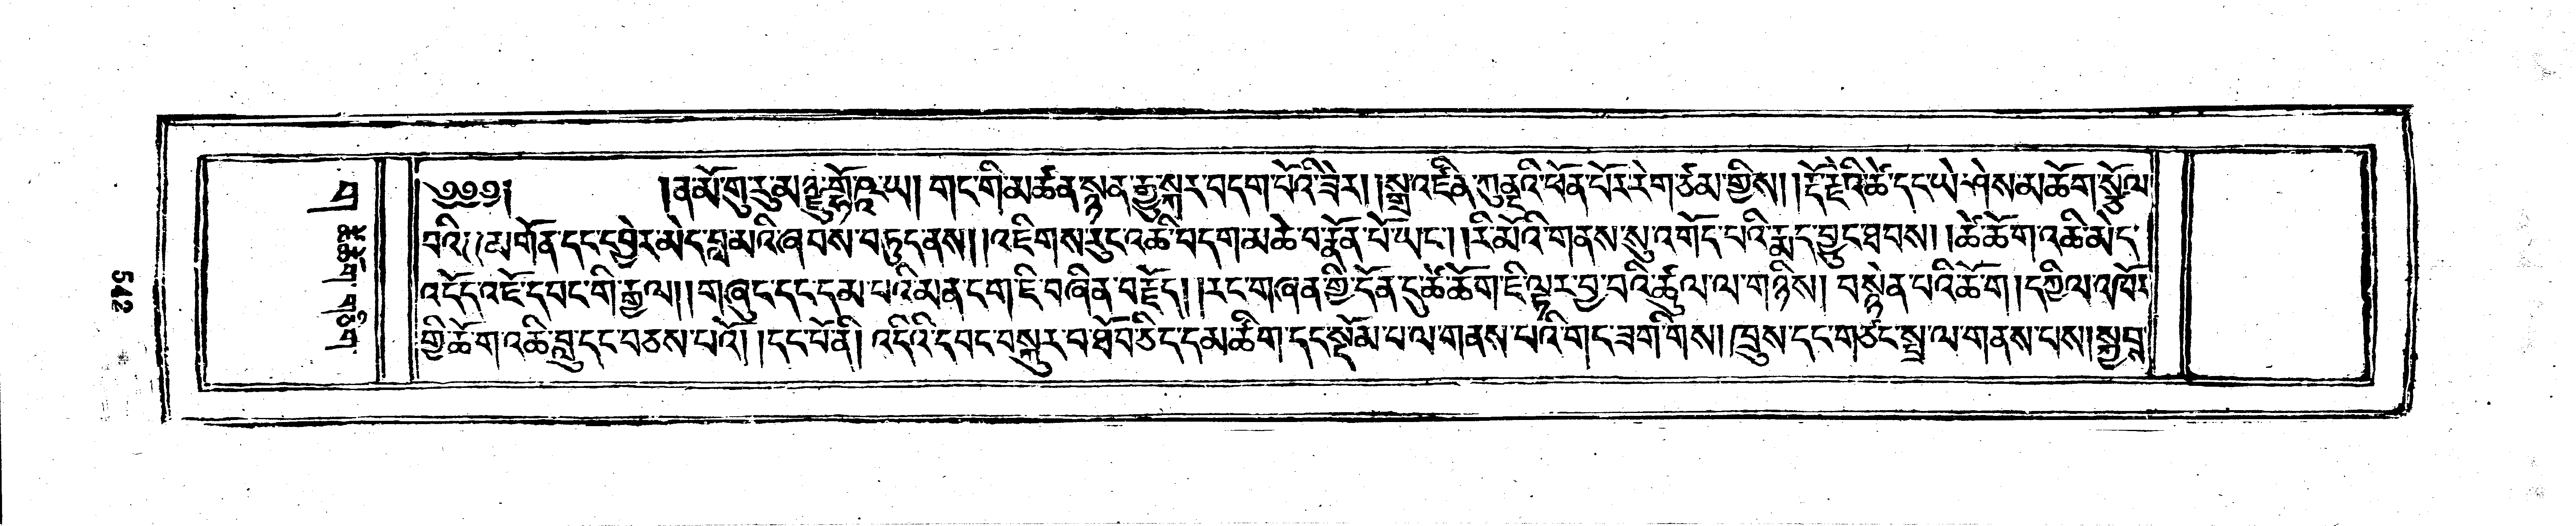༄༅༅། །ན་མོ་གུ་རུ་མཉྫུ་གྷོ་ཥཱ་ཡ། གང་གི་མཚན་སྙན་རྒྱུ་སྐར་བདག་པོའི་ཟེར། །སྒྲ་འཛིན་ཀུནྡའི་ཕོན་པོར་རེག་ཙམ་གྱིས། །རྡོ་རྗེའི་ཚེ་དང་ཡེ་ཤེས་མཆོག་སྩོལ་
བའི༑ ༑མགོན་དང་དབྱེར་མེད་བླ་མའི་ཞབས་བཏུད་ནས། །འཇིགས་རུང་འཆི་བདག་མཆེ་བ་རྣོན་པོ་ཡང་། །རི་མོའི་གནས་སུ་འགོད་པའི་རྨད་བྱུང་ཐབས། །ཚེ་ཆོག་འཆི་མེད་
འདོད་འཇོ་དབང་གི་རྒྱལ། །གཞུང་དང་དམ་པའི་མན་ངག་ཇི་བཞིན་བརྗོད། །རང་གཞན་གྱི་དོན་དུ་ཚེ་ཆོག་ཇི་ལྟར་བྱ་བའི་ཚུལ་ལ་གཉིས། བསྙེན་པའི་ཆོ་ག །དཀྱིལ་འཁོར་
གྱི་ཆོ་ག་འཆི་བླུ་དང་བཅས་པའོ། །དང་པོ་ནི། འདིའི་དབང་བསྐུར་བ་ཐོབ་ཅིང་དམ་ཚིག་དང་སྡོམ་པ་ལ་གནས་པའི་གང་ཟག་གིས། ཁྲུས་དང་གཙང་སྦྲ་ལ་གནས་པས། སྐྱབས་